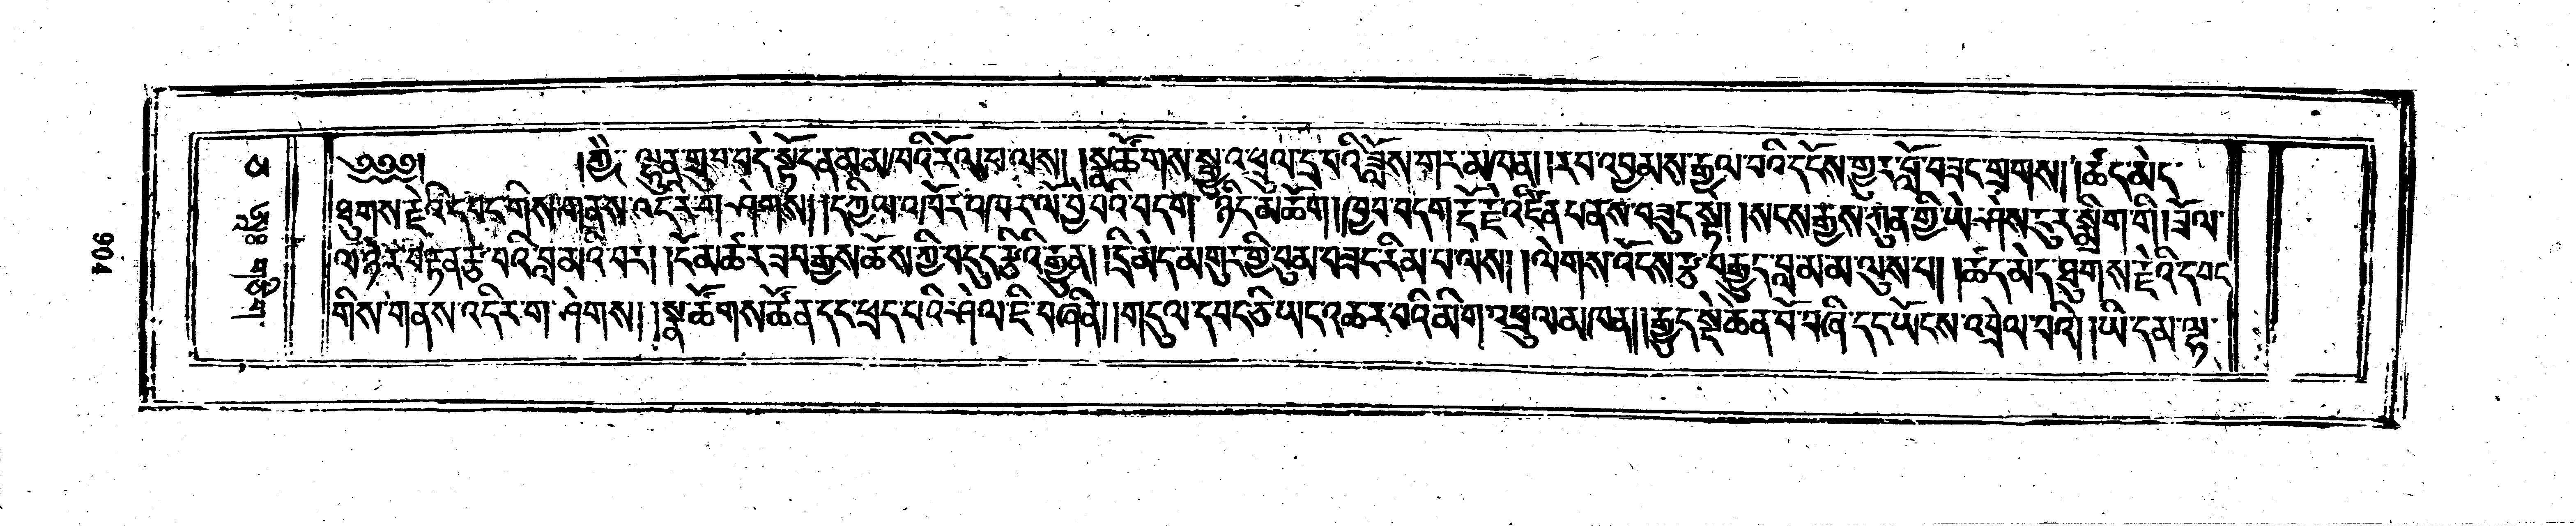༄༅༅། །ཀྱཻ། ལྷུན་གྲུབ་བདེ་སྟོང་ནམ་མཁའི་རོལ་པ་ལས། །སྣ་ཚོགས་སྒྱུ་འཕྲུལ་དྲ་བའི་ཟློས་གར་མཁན། །རབ་འབྱམས་རྒྱལ་བའི་དངོས་གྱུར་བློ་བཟང་གྲགས། །ཚད་མེད་
ཐུགས་རྗེའི་དབང་གིས་གནས་འདིར་གཤེགས། །དཀྱིལ་འཁོར་འཁོར་ལོ་བྱེ་བའི་བདག་ཉིད་མཆོག །ཁྱབ་བདག་རྡོ་རྗེ་འཛིན་པ་ནས་བཟུང་སྟེ། །སངས་རྒྱས་ཀུན་གྱི་ཡེ་ཤེས་ངུར་སྨྲིག་གི །ཟོལ་
ལ་ཉེར་བརྟེན་རྩ་བའི་བླ་མའི་བར། །ངོ་མཚར་ཟབ་རྒྱས་ཆོས་ཀྱི་བདུད་རྩིའི་རྒྱུན། །དྲི་མེད་མགུར་གྱི་བུམ་བཟང་རིམ་པ་ལས། །ལེགས་འོངས་རྩ་བརྒྱུད་བླ་མ་མ་ལུས་པ། །ཚད་མེད་ཐུགས་རྗེའི་དབང་
གིས་གནས་འདིར་གཤེགས། །སྣ་ཚོགས་ཚོན་དང་ཕྲད་པའི་ཤེལ་ཇི་བཞིན། །གདུལ་དབང་ཅི་ཡང་འཆར་བའི་མིག་འཕྲུལ་མཁན། །རྒྱུད་སྡེ་ཆེན་པོ་བཞི་དང་ཡོངས་འབྲེལ་བའི། །ཡི་དམ་ལྷ་